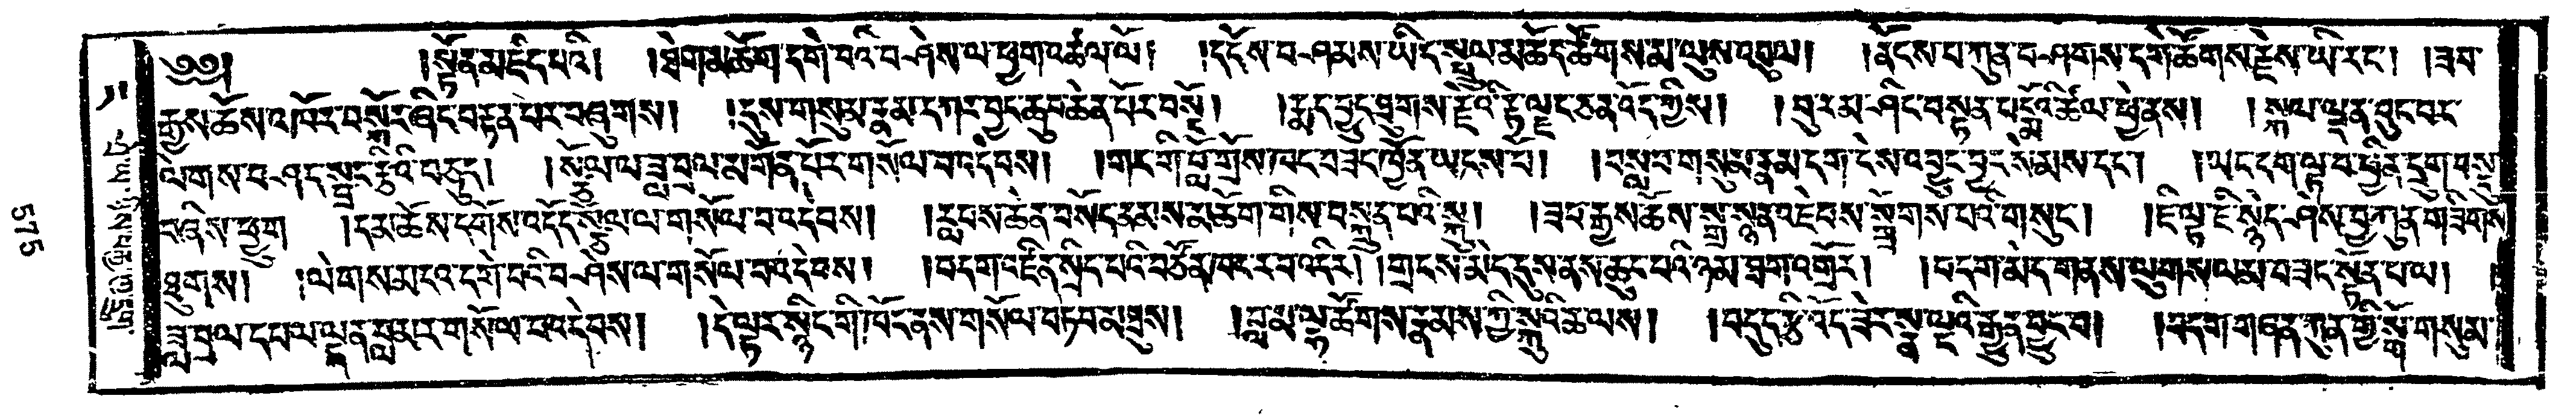༄༅། །སྟོན་མཛད་པའི། །ཐེག་མཆོག་དགེ་བའི་བཤེས་ལ་ཕྱག་འཚལ་ལོ། །དངོས་བཤམས་ཡིད་སྤྲུལ་མཆོད་ཚོགས་མ་ལུས་འབུལ། །ནོངས་པ་ཀུན་བཤགས་དགེ་ཚོགས་རྗེས་ཡི་རང་། །ཟབ་
རྒྱས་ཆོས་འཁོར་བསྐོར་ཞིང་བརྟན་པར་བཞུགས། །དུས་གསུམ་རྣམ་དཀར་བྱང་ཆུབ་ཆེན་པོར་བསྔོ། །རྨད་བྱུང་ཐུགས་རྗེའི་རྟ་ལྗང་ཅན་འོད་ཀྱིས། །བུ་རམ་ཤིང་བསྟན་པདམོའི་ཚལ་ཕྱེ་ནས། །སྐལ་ལྡན་བུང་བར་
ལེགས་བཤད་སྦྲང་རྩིའི་བཅུད། །སྩོལ་ལ་ཟླ་བྲལ་མགོན་པོར་གསོལ་བ་འདེབས། །གང་གི་བློ་གྲོས་ཁང་བཟང་ཁྱོན་ཡངས་པོ། །བསླབ་གསུམ་རྣམ་དག་ངེས་འབྱུང་བྱང་སེམས་དང་། །ཡང་དག་ལྟ་བ་ཕྱིན་དྲུག་བསྡུ་
བཞིས་ཕྱུག །དམ་ཆོས་དགོས་འདོད་སྩོལ་ལ་གསོལ་བ་འདེབས། །རླབས་ཆེན་བསོད་ནམས་མཆོག་གིས་བསྐྲུན་པའི་སྐུ། །ཟབ་རྒྱས་ཆོས་སྒྲ་སྙན་འཇེབས་སྒྲོགས་པའི་གསུང་། །ཇི་ལྟ་ཇི་སྙེད་ཤེས་བྱ་ཀུན་གཟིགས་
ཐུགས། །ལེགས་མངའ་དགེ་བའི་བཤེས་ལ་གསོལ་བ་འདེབས། །བདག་འཛིན་སྲིད་པའི་བཙོན་ཁང་ར་བ་འདིར། །གྲངས་མེད་དུས་ནས་ཆུང་པའི་ཉམ་ཐག་འགྲོར། །བདག་མེད་གནས་ལུགས་ལམ་བཟང་སྟོན་པ་ལ། །
ཟླ་བྲལ་དཔལ་ལྡན་བླ་མར་གསོལ་བ་འདེབས། །དེ་ལྟར་སྙིང་གི་ཁོང་ནས་གསོལ་བཏབ་མཐུས། །བླ་མ་ལྷ་ཚོགས་རྣམས་ཀྱི་སྐུའི་ཆ་ལས། །བདུད་རྩི་འོད་ཟེར་སྣ་ལྔའི་རྒྱུན་བྱུང་བ། །བདག་གཞན་ཀུན་གྱི་སྒོ་གསུམ་